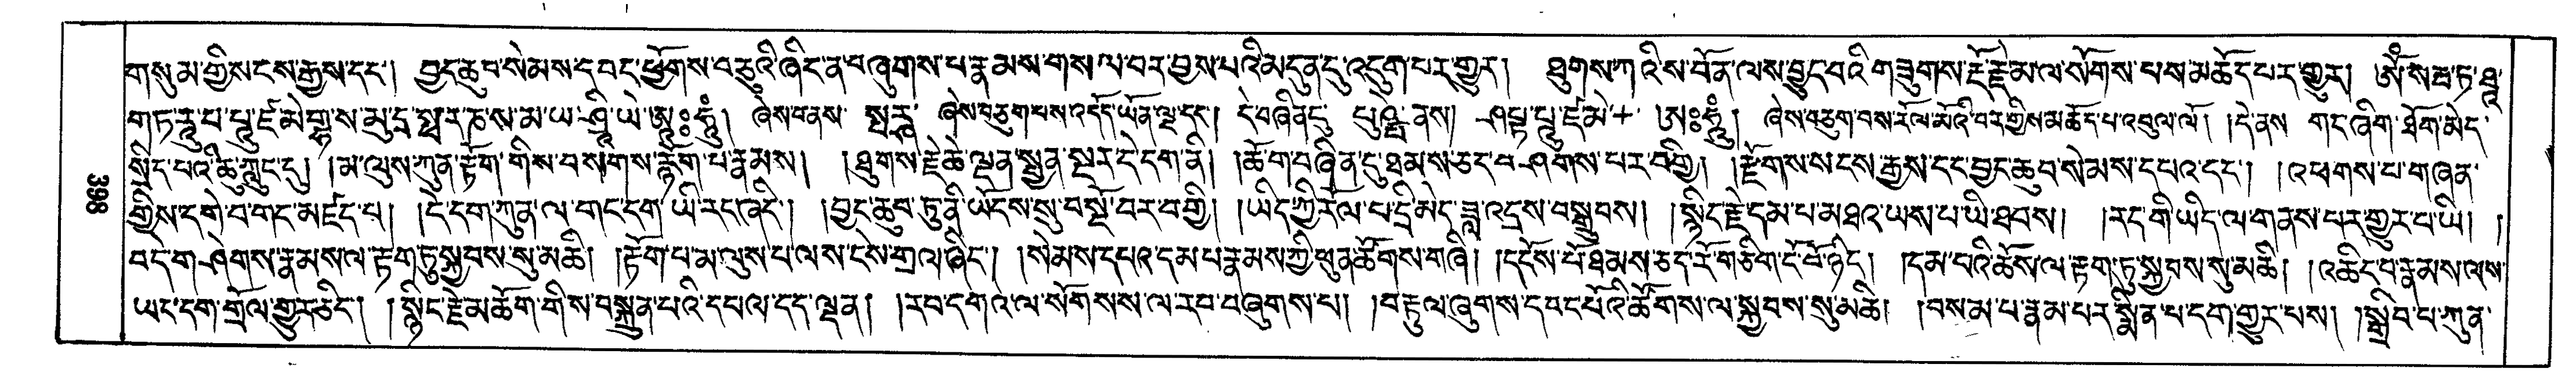གསུམ་གྱི་སངས་རྒྱས་དང་། བྱང་ཆུབ་སེམས་དཔའ་ཕྱོགས་བཅུའི་ཞིང་ན་བཞུགས་པ་རྣམས་གསལ་བར་བྱས་པའི་མདུན་དུ་འདུག་པར་གྱུར། ཐུགས་ཀའི་ས་བོན་ལས་བྱུང་བའི་གཟུགས་རྡོ་རྗེ་མ་ལ་སོགས་པས་མཆོད་པར་གྱུར། ཨོཾ་སརྦ་ཏ་ཐཱ་
ག་ཏ་རཱུ་པ་པཱུ་ཛ་མེ་གྷ་ས་མུ་དྲ་སྥ་ར་ཎ་ས་མ་ཡ་ཤྲཱི་ཡེ་ཨཱཿ ཧཱུཾ། ཞེས་པ་ནས། སྤརྴ་ཞེས་བཅུག་པས་འདོད་ཡོན་ལྔ་དང་། དེ་བཞིན་དུ་པུཥྤེ་ནས་ཤཔྟ་པཱུ་ཛ་མེ་+་ཨཱཿ ཧཱུཾ། ཞེས་བཅུག་པས་རོལ་མོའི་བར་གྱིས་མཆོད་པ་འབུལ་ལོ། །དེ་ནས་གང་ཞིག་ཐོག་མེད་
སྲིད་པའི་ཆུ་ཀླུང་དུ། །མ་ལུས་ཀུན་རྟོག་གིས་བསགས་རྙོག་པ་རྣམས། །ཐུགས་རྗེ་ཆེ་ལྔན་སྦྱན་སྔར་དེ་དག་ནི། །ཆོ་ག་བཞིན་དུ་ཐམས་ཅད་བཤགས་པར་བགྱི། །རྫོགས་སངས་རྒྱས་དང་བྱང་ཆུབ་སེམས་དཔའ་དང་། །འཕགས་པ་གཞན་
གྱིས་དགེ་བ་གང་མཛད་པ། །དེ་དག་ཀུན་ལ་ཡང་དག་ཡི་རང་ཞིང་། །བྱང་ཆུབ་ཏུ་ནི་ཡོངས་སུ་བསྔོ་བར་བགྱི། །ཡིད་ཀྱི་རོལ་པ་དྲི་མེད་ཟླ་འདྲས་བསྒྲུབས། །སྙིང་རྗེ་དམ་པ་མཐའ་ཡས་པ་ཡི་ཐབས། །རང་གི་ཡིད་ལ་གནས་པར་གྱུར་པ་ཡི། །
བདེ་གཤེགས་རྣམས་ལ་རྟག་ཏུ་སྐྱབས་སུ་མཆི། །རྟོག་པ་མ་ལུས་པ་ལས་ངེས་གྲོལ་ཞིང་། །སེམས་དཔའ་དམ་པ་རྣམས་ཀྱི་ཕུན་ཚོགས་གཞི། །དངོས་པོ་ཐམས་ཅད་རོ་གཅིག་ངོ་བོ་ཉིད། །དམ་པའི་ཆོས་ལ་རྟག་ཏུ་སྐྱབས་སུ་མཆི། །འཆིང་བ་རྣམས་ལས་
ཡང་དག་གྲོལ་གྱུར་ཅིང་། །སྙིང་རྗེ་མཆོག་གིས་བསྐྲུན་པའི་དཔལ་དང་ལྡན། །རབ་དགའ་ལ་སོགས་ས་ལ་རབ་བཞུགས་པ། །བརྟུལ་ཞུགས་དབང་པོའི་ཚོགས་ལ་སྐྱབས་སུ་མཆི། །བསམ་པ་རྣམ་པར་སྨིན་པ་དག་གྱུར་པས། །སྒྲིབ་པ་ཀུན་